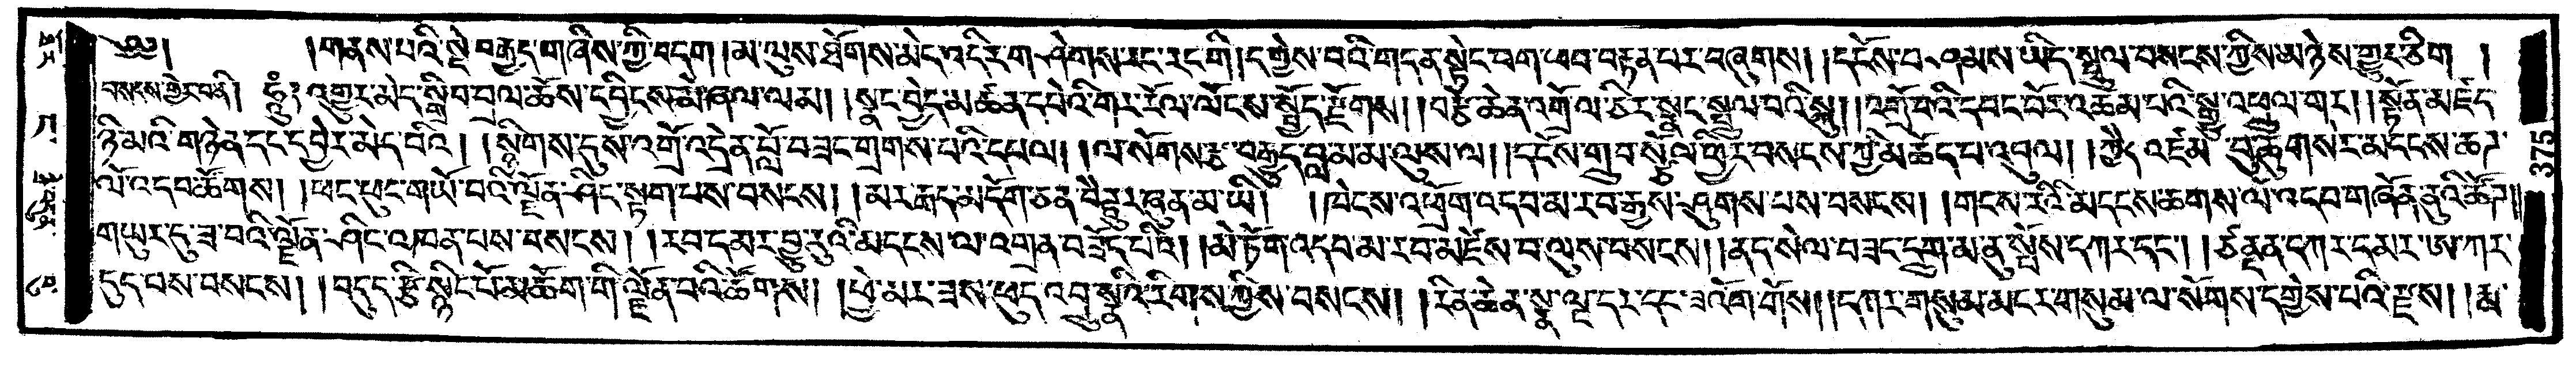༄༅། །གནས་པའི་སྡེ་བརྒྱད་གཞིས་ཀྱི་བདག །མ་ལུས་ཐོགས་མེད་འདིར་གཤེགས་རང་རང་གི །དགྱེས་བའི་གདན་སྟེང་བག་ཕབ་བརྟན་པར་བཞུགས། །དངོས་བཤམས་ཡིད་སྤྲུལ་བསངས་ཀྱིས་མཉེས་གྱུར་ཅིག །
བསངས་གྱེར་པ་ནི། ཧཱུཾ། འགྱུར་མེད་སྒྲིབ་བྲལ་ཆོས་དབྱིངས་མེ་ཞལ་ལམ། །སྣང་བྱེད་མཚན་དཔེའི་གར་རོལ་ལོངས་སྤྱོད་རྫོགས། །བརྩེ་ཆེན་འགྲོ་ལ་ཅིར་སྣང་སྤྲུལ་བའི་སྐུ། །འགྲོ་བའི་དབང་པོར་འཆམ་པའི་སྒྱུ་འཕྲུལ་གར། །སྟོན་མཛད་
ཉི་མའི་གཉེན་དང་དབྱེར་མེད་བའི། །སྙིགས་དུས་འགྲོ་འདྲེན་བློ་བཟང་གྲགས་པའི་དཔལ། །ལ་སོགས་རྩ་བརྒྱུད་བླ་མ་མ་ལུས་ལ། །དངོས་གྲུབ་སྩོལ་ཕྱིར་བསངས་ཀྱི་མཆོད་པ་འབུལ། །ཀྱཻ། འཛམ་བུ་ཆུ་གསེར་མདངས་ཆགས་
ལོ་འདབ་ཚོགས། །ཕང་ཕུང་གཡོ་བའི་ལྗོན་ཤིང་སྟག་པས་བསངས། །མར་རྒད་མདོག་ཅན་བཻཌཱུར་ཞུན་མ་ཡི། །ཁེངས་འཕྲོག་འདབ་མ་རབ་རྒྱས་ཤུགས་པས་བསངས། །གངས་རིའི་མདངས་ཆགས་ལོ་འདབ་གཞོན་ནུའི་ཚོགས། །
གཡུར་དུ་ཟ་བའི་ལྗོན་ཤིང་འཁན་པས་བསངས། །རབ་དམར་བྱུ་རུའི་མདངས་ལ་འགྲན་བཟོད་པའི། །མེ་ཏོག་འདབ་མ་རབ་མཛེས་བ་ལུས་བསངས། །ནད་སེལ་བཟང་དྲུག་མ་ནུ་སྤོས་དཀར་དང་། །ཙནྡན་དཀར་དམར་ཨ་ཀར་
དུད་པས་བསངས། །བདུད་རྩི་སྙིང་པོ་མཆོག་གི་ལྗོན་པའི་ཚོགས། །ཕྱེ་མར་ཟས་ཕུད་འབྲུ་སྣའི་རིགས་ཀྱིས་བསངས། །རིན་ཆེན་སྣ་ལྔ་དར་དང་ཟ་འོག་གོས། །དཀར་གསུམ་མངར་གསུམ་ལ་སོགས་དགྱེས་པའི་རྫས། །རྨ་